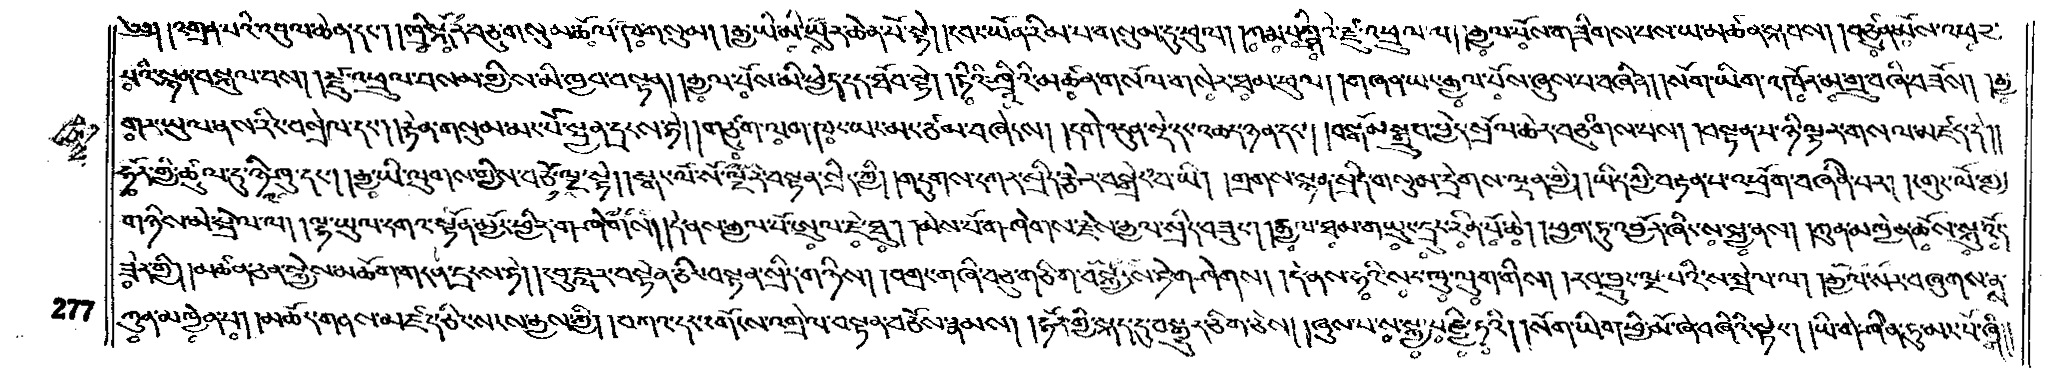༄༅། །འགྲན་པའི་འབུལ་ཆེན་དང་། །ཁྲི་སྐོར་བཅུ་གསུམ་ཆོལ་ཁ་གསུམ། །རྒྱ་ཡི་མི་ཡུར་ཆེན་པོ་སྟེ། །དབང་ཡོན་རིམ་པ་གསུམ་དུ་ཕུལ། ཀརྨ་པཀྴིའི་རྫུ་འཕྲུལ་ལ། །རྒྱལ་བོས་གཟིགས་པས་ཡ་མཚན་སྐབས། །བཙུན་མོས་འཕགས་
པའི་སྙན་བསྐུལ་བས། །རྫུ་འཕྲུལ་བསམ་གྱིས་མི་ཁྱབ་བསྟན། །རྒྱལ་བོས་མི་ཕྱེད་དད་ཐོབ་སྟེ། །ཏིའི་ཤྲཱིའི་མཚན་གསོལ་གསེར་ཐམ་ཕུལ། །གཞན་ཡང་རྒྱལ་བོས་ཞུས་པ་བཞིན། །སོག་ཡིག་འཁོར་མ་གྲུ་བཞི་བཟོས། །རྒྱ་
གར་ཡུལ་ནས་རིང་བསྲེལ་དང་། །རྟེན་གསུམ་མང་བོ་སྤྱན་དྲངས་ཏེ། །གཙུག་ལག་ཁང་ཡང་མང་ཙམ་བཞེངས། །དགེ་འདུན་སྡེ་དང་འཆད་ཉན་དང་། །བསྒོམ་སྒྲུབ་བྱེད་སྲོལ་ཆེར་བཙུགས་པས། །བསྟན་པ་ཉི་ལྟར་གསལ་མཛད་དེ།།
ཧོར་གྱི་ཚུལ་དུ་ཉི་ཤུ་དང་། །རྒྱ་ཡི་ལུགས་གྱིས་བཅོ་ལྔ་སྟེ། །སྒང་ལོ་སོ་ལྔར་བསྟན་སྲིད་ཀྱི། །གདུགས་དཀར་སྲིད་རྩེར་བསྒྲེང་བ་ཡི། །གྲགས་སྙན་སྲིད་གསུམ་དྲེགས་ལྡན་གྱི། །ཡིད་ཀྱི་བརྟན་པ་འཕྲོག་བཞིན་པར། །དགུང་ལོ་གྱ།
གཉིས་མེ་སྤྲེལ་ལ། །ལྷ་ཡུལ་དགའ་སྟོན་མྱོང་ཕྱིར་གཤེགས། །དེ་ནས་རྒྱལ་པོ་ཨུལ་ཇེ་ཐུ། །མེས་པོ་གཤེགས་རྗེས་རྒྱལ་སྲིད་བཟུང་། །རྒྱལ་ཐམ་གཡུང་དྲུང་རིན་པོ་ཆེ། །ཕྱག་ཏུ་འབྱོར་ཞིང་ས་སྐྱ་ནས། །ཀུན་མཁྱེན་ཆོས་སྐུ་འོད་
ཟེར་གྱི། །མཚན་ཅན་སྐྱེས་མཆོག་གདན་དྲངས་ཏེ། །དབུ་བླར་བསྟེན་ཅིང་བསྟན་སྲིད་གཉིས། །བགྲང་གཞི་བཅུ་གཅིག་བསྐྱངས་ཏེ་གཤེགས། །དེ་ནས་ཧའི་སང་ཁུ་ལུག་གིས། །རབ་བྱུང་ལྔ་པའི་ས་སྤྲེལ་ལ། །རྒྱལ་སར་བཞུགས་ནས་
ཀུན་མཁྱེན་པ། །མཆོད་གནས་མཛད་ཅིང་སངས་རྒྱས་ཀྱི། །བཀའ་དང་དགོངས་འགྲེལ་བསྟན་བཅོས་རྣམས། །ཧོར་གྱི་སྐད་དུ་བསྒྱུར་ཅིག་ཅེས། །ཞུས་པས་སྐྱ་པཎྱི་ཏའི། །སོག་ཡིག་ཕྱི་མོ་ཞེ་བཞིའི་སྟེང་། །ཡི་གེ་ཤིན་ཏུ་མང་པོ་ཞིག།།